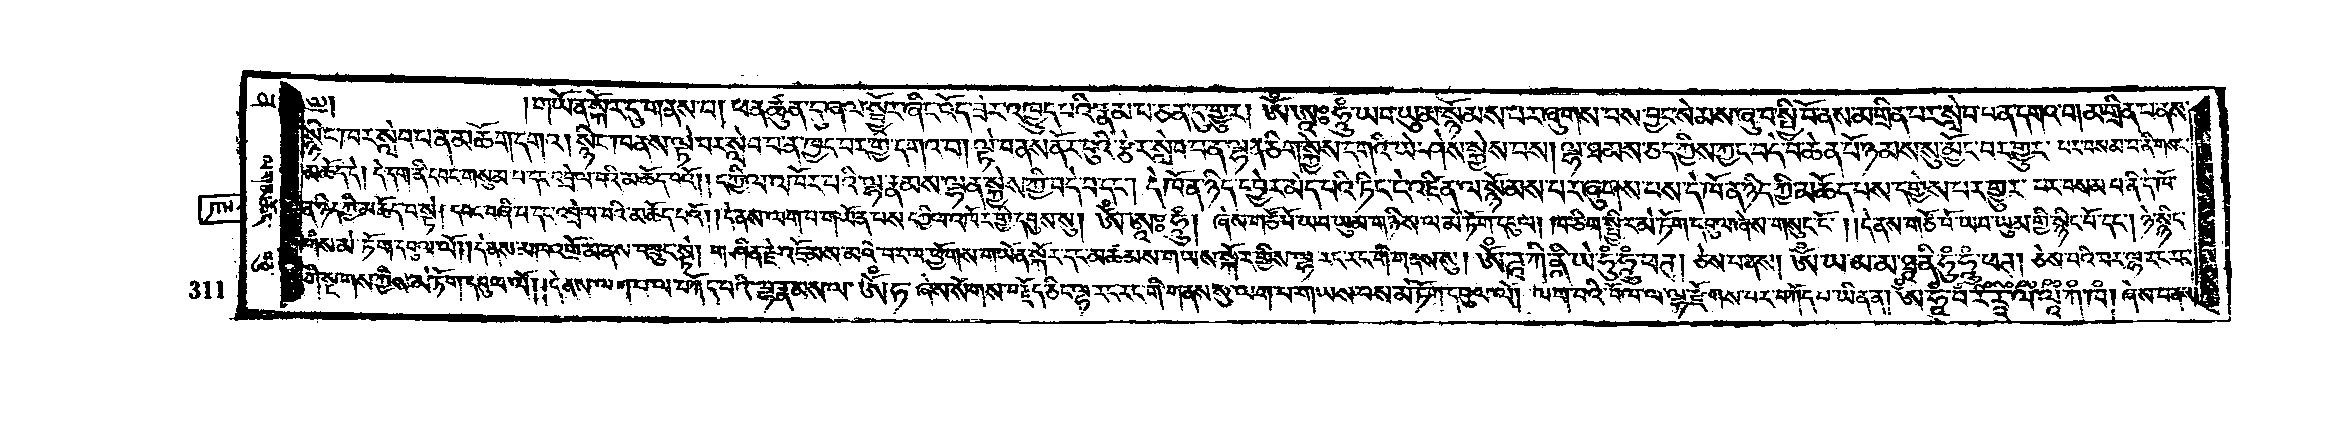༄༅། །གཡོན་སྐོར་དུ་གནས་པ། ཕན་ཚུན་དུ་ཞལ་སྦྱོར་ཞིང་འོད་ཟེར་འཁྱུད་པའི་རྣམ་པ་ཅན་དུ་གྱུར། ཨོཾ་ཨཱཿ ཧཱུཾ་ཡབ་ཡུམ་སྙོམས་པར་ཞུགས་པས་བྱང་སེམས་ཞུ་བ་སྤྱི་བོ་ནས་མགྲིན་པར་སླེབ་པ་ན་དགའ་བ། མགྲིན་པ་ནས་
སྙིང་ཁར་སླེབ་པ་ན་མཆོག་དགའ། སྙིང་ཁ་ནས་ལྟེ་བར་སླེབ་པ་ན་ཁྱད་པར་གྱི་དགའ་བ། ལྟེ་བ་ནས་ནོར་བུའི་རྩེར་སླེབ་པ་ན་ལྷན་ཅིག་སྐྱེས་དགའི་ཡེ་ཤེས་སྐྱེས་པས། ལྷ་ཐམས་ཅད་ཀྱིས་ཀྱང་བདེ་བ་ཆེན་པོ་ཉམས་སུ་མྱོང་བར་གྱུར་པར་བསམ་པ་ནི་གསང་
མཆོད་དེ། དེ་དག་ནི་དབང་གསུམ་པ་དང་འབྲེལ་བའི་མཆོད་པའོ། །དཀྱིལ་འཁོར་པའི་ལྷ་རྣམས་ལྷན་སྐྱེས་ཀྱི་བདེ་བ་དང་། དེ་ཁོ་ན་ཉིད་དབྱེར་མེད་པའི་ཏིང་ངེ་འཛིན་ལ་སྙོམནས་པར་ཞུགས་པས་དེ་ཁོ་ན་ཉིད་ཀྱི་མཆོད་པས་དགྱེས་པར་བསམ་པ་ནི་དེ་ཁོ་
ན་ཉིད་ཀྱི་མཆོ་དཔ་སྟེ། དབང་བཞི་པ་དང་འབྲེལ་བའི་མཆོད་པའོ། །དེ་ནས་ལག་པ་གཡོན་པས་དཀྱིལ་འཁོར་གྱི་དབུས་སུ། ཨོཾ་ཨཱཿ ཧཱུཾ། ཞེས་གཙོ་བོ་ཡབ་ཡུམ་གཉིས་ལ་མེ་ཏོག་དབུལ། ཁ་ཅིག་སྤྱིར་མེ་ཏོག་དབུལ་ཞེས་གསུངས་སོ། །དེ་ནས་གཙོ་བོ་ཡབ་ཡུམ་གྱི་སྙིང་པོ་དང་། ཉེ་སྙིང་
གིས་མེ་ཏོག་དབུལ་ལོ། །དེ་ནས་མཁའ་འགྲོ་མ་ནས་བཟུང་སྟེ། གཤིན་རྗེ་འཇོམས་མའི་བར་ལ་ཕྱོགས་གཡོན་སྐོར་དང་མཚམས་གཡས་སྐོར་གྱིས་ལྷ་རང་རང་གི་གནས་སུ། ཨོཾ་ཌཱ་ཀི་ནཱི་ཡེ་ཧུཾ་ཧཱུཾ་ཕཊ། ཅེས་པ་ནས། ཨོཾ་ཡ་མ་མ་ཐཱ་ནི་ཧུཾ་ཧཱུཾ་ཕཊ། ཅེས་པའི་བར་ལྷ་རང་རང་
གི་སྔགས་ཀྱིས་མེ་ཏོག་དབུལ་ལོ། །དེ་ནས་ལག་པ་ལ་བཀོད་པའི་ལྷ་རྣམས་ལ་ཨོཾ་ཧ་ཞེས་སོགས་བརྗོད་ཅིང་ལྷ་རང་རང་གི་གནས་སུ་ལག་པ་གཡས་པས་མེ་ཏོག་དབུལ་ལོ། །ལག་པའི་བོལ་ལ་ལྷ་རྫོགས་པར་བཀོད་པ་ཡིན་ན།  ཨོཾ་ཧཱུཾ་བཾ་རིཾ་རཱིཾ་ལྀཾ་ལཱིཾ་ཀཾ་ཁཾ། ཞེས་པ་ནས་